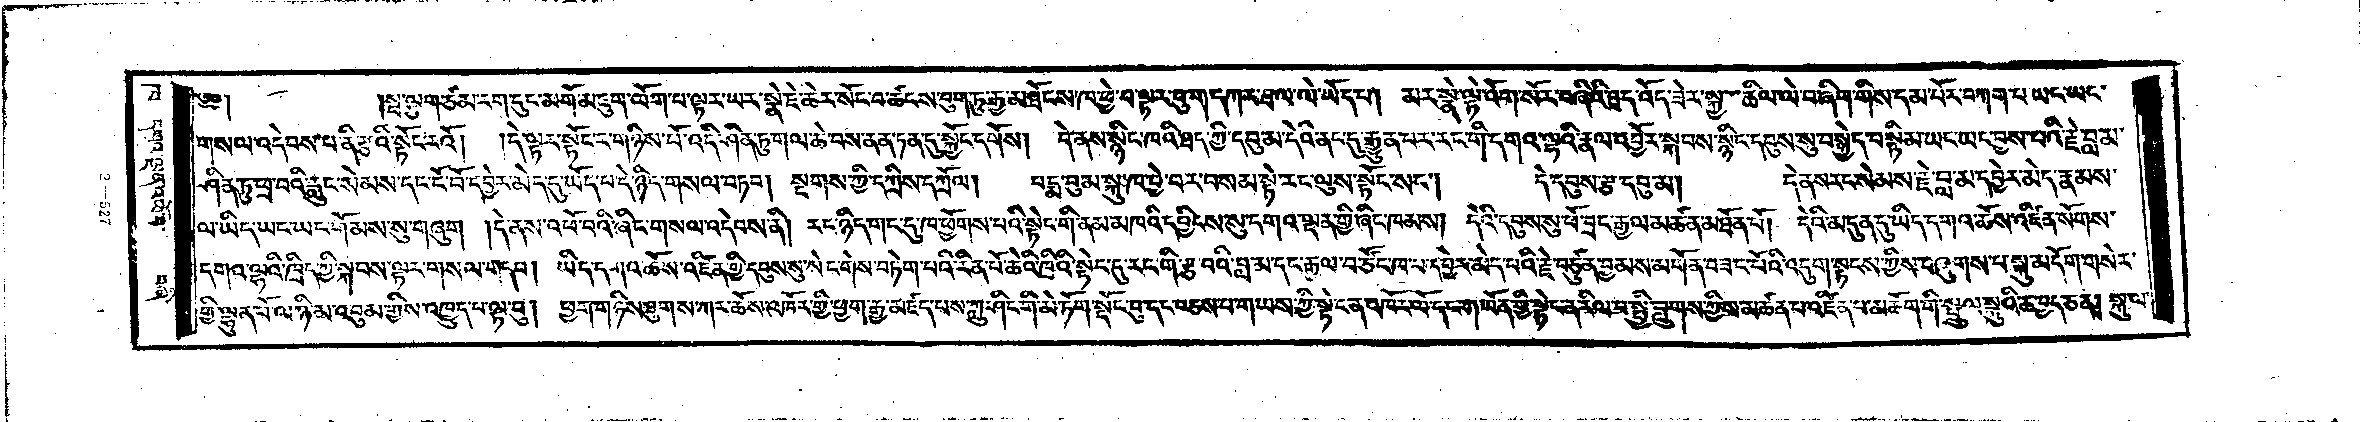༄༅། །སྦ་ལྕག་ཙམ་རག་དུང་མགོ་མཇུག་ལོག་པ་ལྟར་ཡར་སྣེ་ཇེ་ཆེར་སོང་བ་ཚངས་བུག་ཏུ་རྒྱ་མཐོངས་ཁ་ཕྱེ་བ་ལྟར་བུ་ག་དཀར་ཐལ་ལེ་ཡོད་པ། མར་སྣེ་ལྟེ་འོག་སོར་བཞིའི་ཐད་འོད་ཟེར་སྐྱ་ཆིལ་ལེ་བ་ཞིག་གིས་དམ་པོར་བཀག་པ་ཡང་ཡང་
གསལ་འདེབས་བ་ནི་རྩའི་སྟོང་རའོ། །དེ་ལྟར་སྟོང་ར་གཉིས་པོ་འདི་ཤིན་ཏུ་གལ་ཆེ་བས་ནན་ཏན་དུ་སྐྱོང་དགོས། དེ་ནས་སྙིང་ཁའི་ཐད་ཀྱི་དབུ་མ་དེའི་ནང་དུ་རྒྱུན་པར་རང་གི་དགའ་ལྷའི་རྣལ་འབྱོར་སྐབས་སྙིང་དབུས་སུ་བསྐྱེད་བསྟིམ་ཡང་ཡང་བྱས་པའི་རྗེ་བླ་མ་
ཤིན་ཏུ་ཕྲ་བའི་རླུང་སེམས་དང་ངོ་བོ་དབྱེར་མེད་དུ་ཡོད་པ་དེ་ཉིད་གསལ་བཏབ། སྔགས་ཀྱི་དཀྲིས་དཀྲོལ། པདམ་བུམ་སྐུ་ཁ་བྱེ་བར་བསམ་སྟེ་རང་ལུས་སྟོང་སང་། དེ་དབུས་རྩ་དབུ་མ། དེ་ནས་རང་སེམས་རྗེ་བླ་མ་དབྱེར་མེད་རྣམས་
ལ་ཡིད་ཡང་ཡང་གོམས་སུ་གཞུག །དེ་ནས་འཕོ་བའི་ཞིང་གསལ་འདེབས་ནི། རང་ཉིད་གང་དུ་ཁ་ཕྱོགས་པའི་སྟེང་གི་ནམ་མཁའི་དབྱིངས་སུ་དགའ་ལྡན་གྱི་ཞིང་ཁམས། དེའི་དབུས་སུ་ཕོ་བྲང་རྒྱལ་མཚན་མཐོན་པོ། དེའི་མདུན་དུ་ཡིད་དགའ་ཆོས་འཛིན་སོགས་
དགའ་ལྷའི་ཁྲིད་ཀྱི་སྐབས་ལྟར་གསལ་གདབ། ཡིད་དགའ་ཆོས་འཛིན་གྱི་དབུས་སུ་སེང་གེས་བཏེག་པའི་རིན་པོ་ཆེའི་ཁྲིའི་སྟེང་དུ་རང་གི་རྩ་བའི་བླ་མ་དང་རྒྱལ་བ་ཙོང་ཁ་པ་དབྱེར་མེད་པའི་རྗེ་བཙུན་བྱམས་མགོན་བཟང་པོའི་འདུག་སྟངས་ཀྱིས་བཞུགས་པ་སྐུ་མདོག་གསེར་
གྱི་ལྷུན་པོ་ལ་ཉི་མ་འབུམ་གྱིས་འཁྱུད་པ་ལྟ་བུ། ཕྱག་གཉིས་ཐུགས་ཀར་ཆོས་འཁོར་གྱི་ཕྱག་རྒྱ་མཛད་པས་ཀླུ་ཤིང་གི་མེ་ཏོག་སྡོང་བུ་དང་བཅས་པ་གཡས་ཀྱི་སྟེང་ན་འཁོར་ལོ་དང་གཡོན་གྱི་སྟེང་ན་རིལ་བ་སྤྱི་བླུགས་ཀྱིས་མཚན་པ་འཛིན་པ་མཆོག་གི་སྤྲུལ་སྐུའི་ཆ་བྱད་ཅན། སྐུ་ལ་